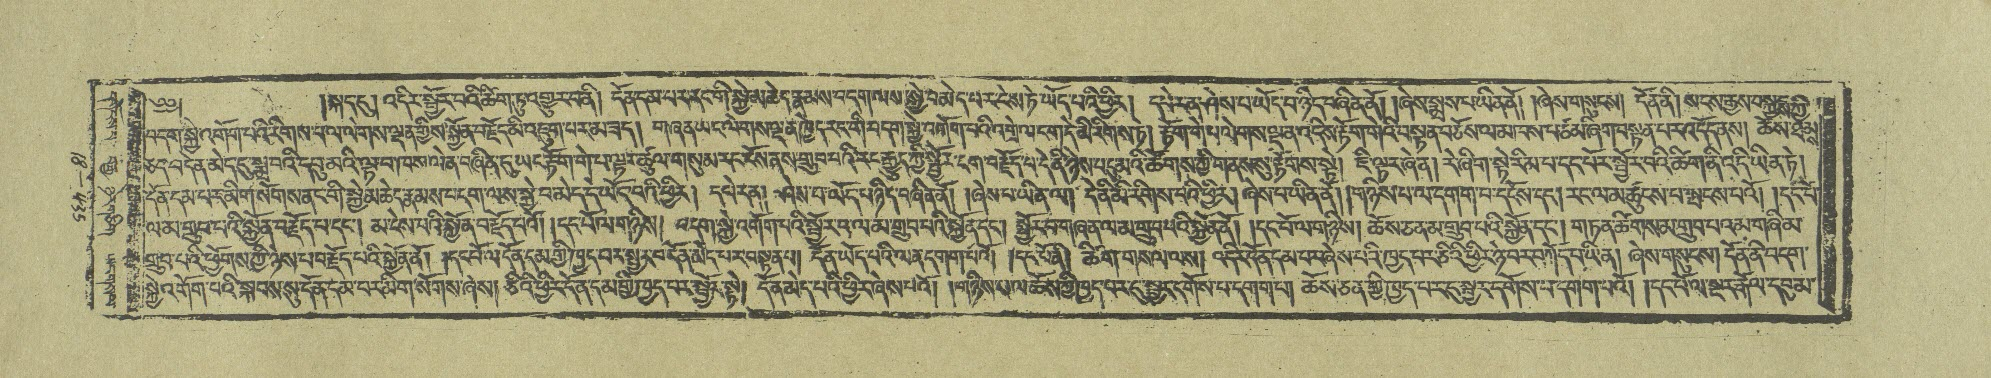༄༅། །སྐད་དུ། འདིར་སྦྱོར་བའི་ཚིག་ཏུ་འགྱུར་བ་ནི། དོན་དམ་པར་ནང་གི་སྐྱེ་མཆེད་རྣམས་བདག་ལས་སྐྱེ་བ་མེད་པར་ངེས་ཏེ་ཡོད་པའི་ཕྱིར། དཔེར་ན་ཤེས་པ་ཡོད་པ་ཉིད་བཞིན་ནོ། །ཞེས་སྨྲས་པ་ཡིན་ནོ། །ཞེས་གསུངས། དོན་ནི། སངས་རྒྱས་བསྐྱངས་ཀྱི་
བདག་སྐྱ་འགོག་པའི་རིགས་པ་ལ་ལེགས་ལྡན་གྱིས་སྐྱོན་བརྗོད་མི་འཇུག་པར་མ་ཟད། གཞན་ཡང་ལེགས་ལྡན་ཁྱེད་རང་གི་བདག་སྐྱེ་འགོག་པའི་འགྲེལ་ངག་དེ་མི་རིགས་ཏེ། རྟོག་གེ་པ་ལེགས་ལྡན་འདིས་རྟོག་གེའི་བསྟན་བཅོས་ལ་མཁས་པ་ཙམ་ཞིག་བསྟན་པར་འདོད་ན། ཆོས་ཐམས་
ཅད་བདེན་མེད་དུ་སྨྲ་བའི་དབུ་མའི་ལྟ་བ་ཁས་ལེན་བཞིན་དུ་ཡང་རྟོག་གེ་བ་ལྟར་ཚུལ་གསུམ་རང་ངོས་ནས་གྲུབ་པའི་རང་རྒྱུད་ཀྱི་སྦྱོར་ངག་བརྗོད་པ་དེ་ནི་ཉེས་པ་དུ་མའི་ཚོགས་ཀྱི་གནས་སུ་རྟོགས་སྟེ། ཇི་ལྟར་ཞེ་ན། རེ་ཞིག་སྟེ་རིམ་པ་དང་པོར་སྦྱོར་བའི་ཚིག་ནི་འདི་ཡིན་ཏེ།
དོན་དམ་པར་མིག་སོགས་ནང་གི་སྐྱེ་མཆེད་རྣམས་བདག་ལས་སྐྱེ་བ་མེད་དེ་ཡོད་པའི་ཕྱིར། དཔེར་ན། ཤེས་པ་ཡོད་པ་ཉིད་བཞིན་ནོ། །ཞེས་པ་ཡིན་ལ། དེ་ནི་མི་རིགས་པའི་ཕྱིར། ཞེས་པ་ཡིན་ནོ། །གཉིས་པ་ལ་དགག་པ་དངོས་དང་། རང་ལ་མཚུངས་པ་སྤངས་པའོ། །དང་པོ་
ལ་མ་གྲུབ་པའི་སྐྱོན་བརྗོད་པ་དང་། མ་ངེས་པའི་སྐྱོན་བརྗོད་པའོ། །དང་པོ་ལ་གཉིས། བདག་སྐྱེ་འགོག་པའི་སྦྱོར་བ་ལ་མ་གྲུབ་པའི་སྐྱོན་དང་། སྦྱོར་བ་གཞན་ལ་མ་གྲུབ་པའི་སྐྱོན་ནོ། །དང་པོ་ལ་གཉིས། ཆོས་ཅན་མ་གྲུབ་པའི་སྐྱོན་དང་། གཏན་ཚིགས་མ་གྲུབ་པའམ་གཞི་མ་
གྲུབ་པའི་ཕྱོགས་ཀྱི་ཉེས་པ་བརྗོད་པའི་སྐྱོན་ནོ། །དང་པོ་ལ་དོན་དམ་གྱི་ཁྱད་པར་སྦྱར་བ་དོན་མེད་པར་བསྟན་པ། དོན་ཡོད་པའི་ལན་དགག་པའོ། །དང་པོ་ནི། ཚིག་གསལ་ལས། འདིར་དོན་དམ་པར་ཞེས་པའི་ཁྱད་པར་ཅིའི་ཕྱིར་ཉེ་བར་བཀོད་པ་ཡིན། ཞེས་གསུངས། དོན་ནི་བདག་
སྐྱེ་འགོག་པའི་སྐབས་སུ་དོན་དམ་པར་མིག་སོགས་ཞེས། ཅིའི་ཕྱིར་དོན་དམ་གྱི་ཁྱད་པར་སྦྱོར་སྟེ། དོན་མེད་པའི་ཕྱིར་ཞེས་པའོ། །གཉིས་པ་ལ་ཆོས་ཀྱི་ཁྱད་པར་དུ་སྦྱར་དགོས་པ་དགག་པ། ཆོས་ཅན་གྱི་ཁྱད་པར་དུ་སྦྱར་དགོས་པ་དགག་པའོ། །དང་པོ་ལ་སྔར་རྒོལ་དབུ་མ་